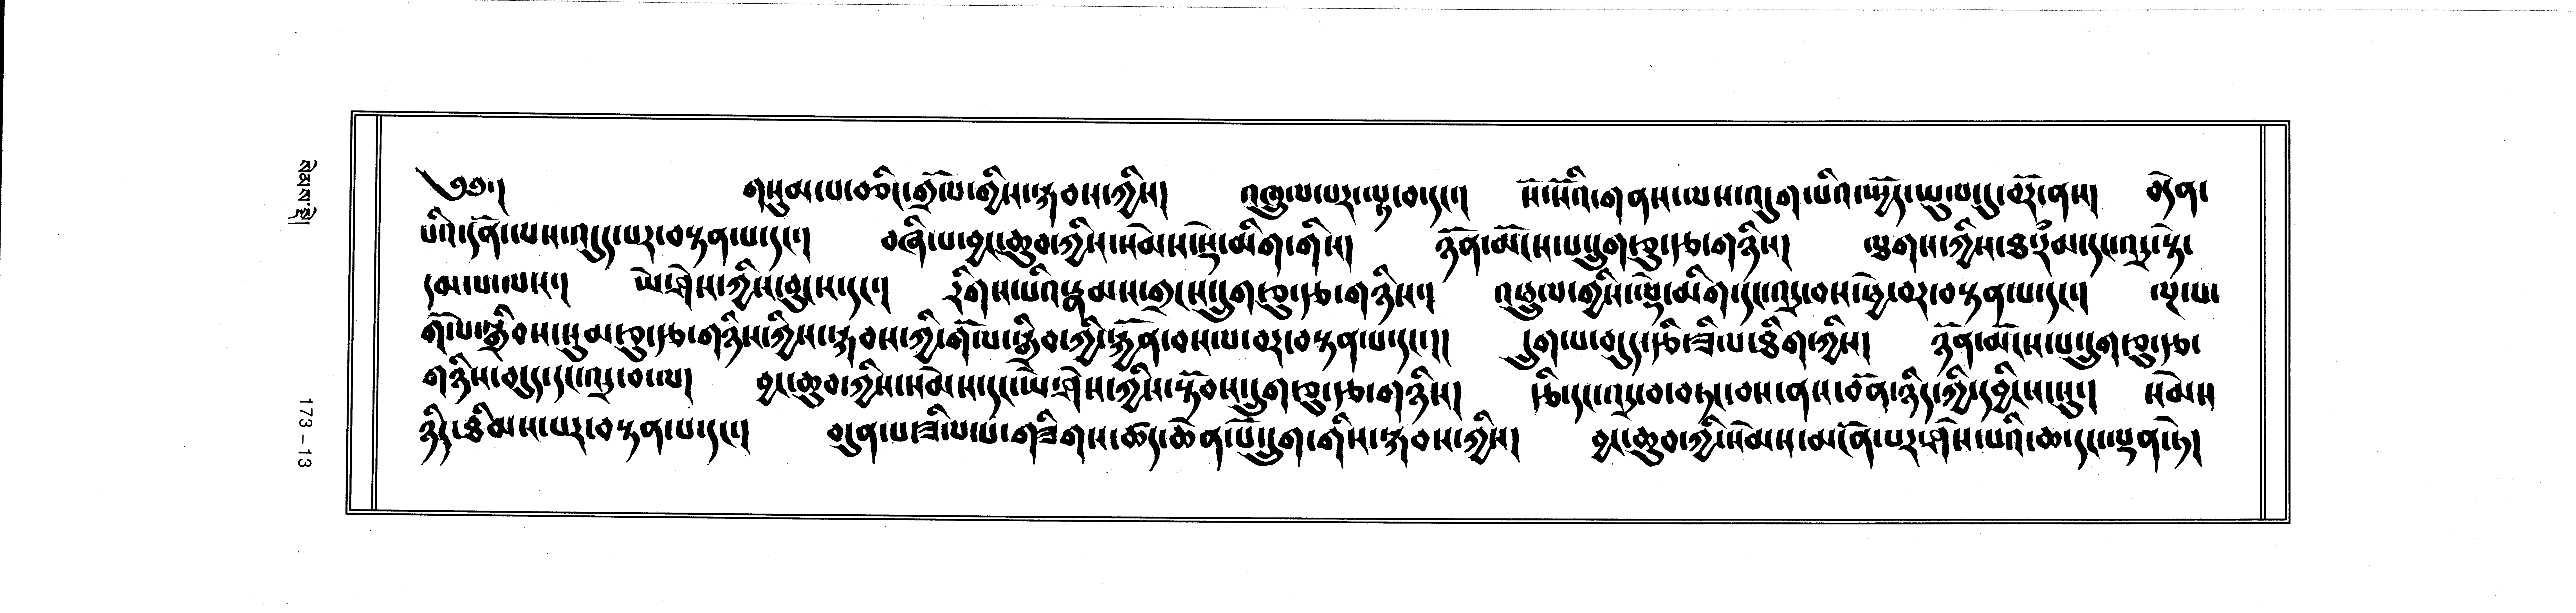གསུམ་པ་བཅིང་གྲོལ་གྱིས་སྐབས་ཀྱིས། འཁྲུལ་པར་ལྟ་བ་དང་། སོ་སོའི་གནས་ལས་འདུག་པའི་སྤྱོད་ཡུལ་དུ་བོར་ནས། བདེན་
པའི་དོན་ལས་འདུད་པར་བསྟན་པ་དང་། བཞི་པ་བྱང་ཆུབ་ཀྱི་སེམས་ལྡེ་མིག་གིས། ཉོན་མོངས་པ་དྲུག་ཅུ་རྩ་གཉིས། ལྕགས་ཀྱི་ཐ་རམ་དང་འདྲ་སྟེ་
དམ་པ་ལས། ཡེ་ཤེས་ཀྱི་བུངས་དང་། རིགས་པའི་རྣམ་གྲངས་དྲུག་ཅུ་རྩ་གཉིས། འཕྲུལ་གྱི་ལྡེ་མིག་དང་འདྲ་བས་ཕྱེ་བར་བསྟན་པ་དང་། ལྔ་པ་
གོལ་སྒྲིབ་སུམ་ཅུ་རྩ་གཉིས་ཀྱི་སྐབས་ཀྱི་གོ་སྒྲིབ་ཀྱི་སྐྱོན་བསལ་བར་བསྟན་པ་དང་། དྲུག་པ་བདུད་རྩི་ཟིལ་ཐིགས་ཀྱིས། ཉོན་མོངས་པ་དྲུག་ཅུ་རྩ་
གཉིས་བདུད་དང་འདྲ་བ་ལ། བྱང་ཆུབ་ཀྱི་སེམས་དང་ཡེ་ཤེས་ཀྱི་སྟོབས་དྲུག་ཅུ་རྩ་གཉིས། རྩི་དང་འདྲ་བ་བཏང་བས་ན་བོན་ཉིད་ཀྱི་དབྱིངས་སུ། སེམས་
ཉིད་ཐིམ་པར་བསྟན་པ་དང་། བདུན་པ་ཟིལ་པ་གཟིགས་ཚད་ཆེན་པོ་དྲུག་གི་སྐབས་ཀྱིས། བྱང་ཆུབ་ཀྱི་སེམས་མངོན་པར་ཤེས་པའི་ཆ་དང་ལྡན་ཏེ།